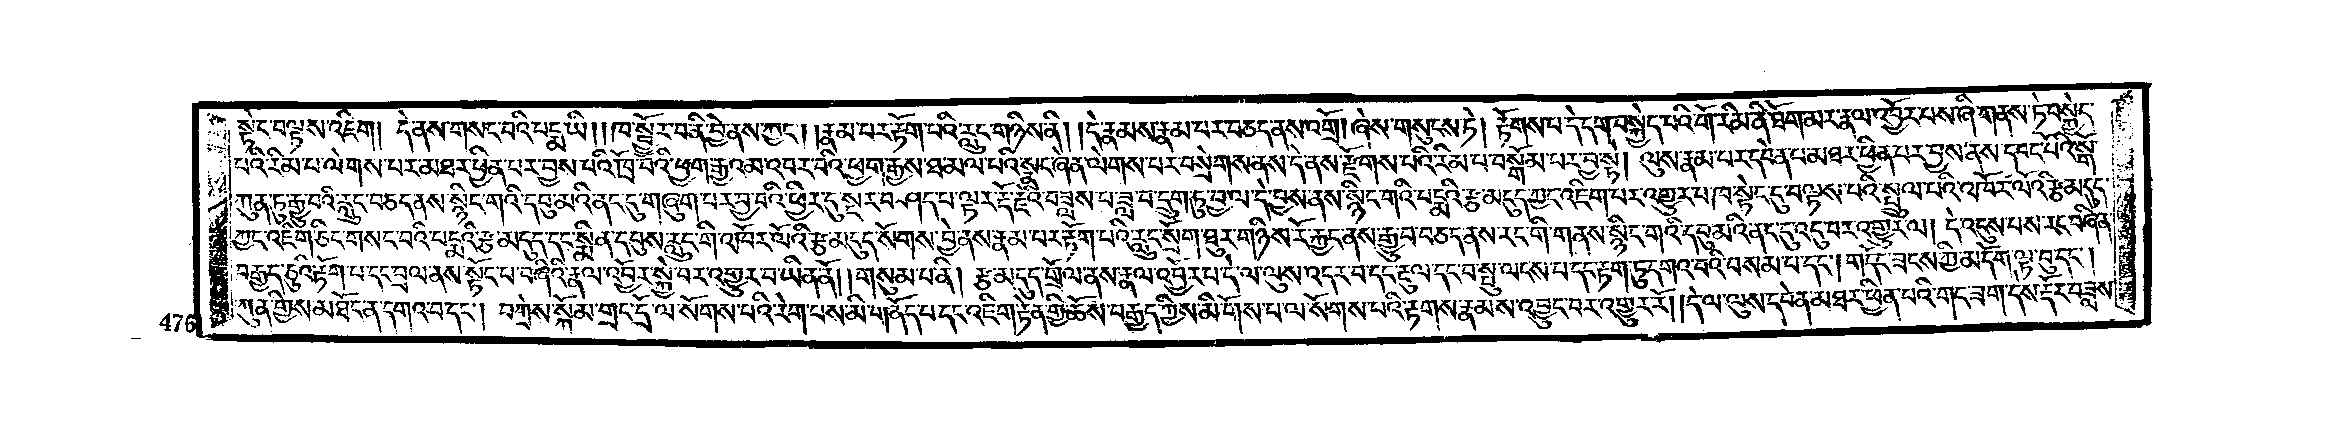སྟེང་བལྟས་འཇིག །དེ་ནས་གསང་བའི་པདམ་ཡི། །ཁ་སྦྱོར་བ་ནི་བྱེ་ནས་ཀྱང་། །རྣམ་པར་རྟོག་པའི་རླུང་གཉིས་ནི། །དེ་རྣམས་རྣམ་པར་བཅད་ནས་འགྲོ། ཞེས་གསུངས་ཏེ། རྟོགས་པ་དེ་དག་བསྐྱེད་པའི་གོ་རིམ་ནི་ཐོག་མར་རྣལ་འབྱོར་པས་ཞི་གནས་ཏེ་བསྐྱེད་
པའི་རིམ་པ་ལེགས་པར་མཐར་ཕྱིན་པར་བྱས་པའི་ཁྲོ་བོའི་ཕྱག་རྒྱའམ་འབར་བའི་ཕྱག་རྒྱས་ཐ་མལ་པའི་སྣང་ཞེན་ལེགས་པར་བསྲེགས་ནས་དེ་ནས་རྫོགས་པའི་རིམ་པ་བསྒོམ་པར་བྱ་སྟེ། ལུས་རྣམ་པར་དབེན་པ་མཐར་ཕྱིན་པར་བྱས་ནས་དབང་པོའི་སྒོ་
ཀུན་ཏུ་རྒྱུ་བའི་རླུང་བཅད་ནས་སྙིང་གའི་དབུ་མའི་ནང་དུ་གཞུག་པར་བྱ་བའི་ཕྱིར་དུ་སྔར་བཤད་པ་ལྟར་རྡོ་རྗེའི་བཟླས་པ་ཟླ་བ་དྲུག་ཏུ་བྱ་ལ་དེ་བྱས་ནས་སྙིང་གའི་པདམའི་རྩ་མདུད་ཀྱང་འཇིག་པར་འགྱུར་བ་ཁ་སྟེང་དུ་བལྟས་པའི་སྤྲུལ་པའི་འཁོར་ལོའི་རྩ་མདུད་
ཀྱང་འཇིག་ཅིང་གསང་བའི་པདམའི་རྩ་མདུད་དང་སྨིན་དབུས་རླུང་གི་འཁོར་ལོའི་རྩ་མདུད་སོགས་བྱེ་ནས་རྣམ་པར་རྟོག་པའི་རླུང་སྲོག་ཐུར་གཉིས་རོ་རྐྱང་ནས་རྒྱུ་བ་བཅད་ནས་རང་གི་གནས་སྙིང་གའི་དབུ་མའི་ནང་དུ་འདུ་བར་འགྱུར་ལ། དེ་འདུས་པས་རང་བཞིན་
བརྒྱད་ཅུའི་རྟོག་པ་དང་བྲལ་ནས་སྟོང་པ་བཞིའི་རྣལ་འབྱོར་སྐྱེ་བར་འགྱུར་བ་ཡིན་ནོ། །གསུམ་པ་ནི། རྩ་མདུད་འགྲོ་ནས་རྣལ་འབྱོར་པ་དེ་ལ་ལུས་འདར་བ་དང་རྔུལ་དང་བ་སྤུ་ལངས་པ་དང་རྟག་ཏུ་དགའ་བའི་བསམ་པ་དང་། གདོང་ཟངས་ཀྱི་མདོག་ལྟ་བུ་དང་།
ཀུན་གྱིས་མཐོང་ན་དགའ་བ་དང་། བཀྲེས་སྐོམ་གྲང་དྲོ་ལ་སོགས་པའི་རེག་པས་མི་གནོད་པ་དང་འཇིག་རྟེན་གྱི་ཆོས་བརྒྱད་ཀྱིས་མི་གོས་པ་ལ་སོགས་པའི་རྟགས་རྣམས་འབྱུང་བར་འགྱུར་རོ། །དེ་ལ་ལུས་དབེན་མཐར་ཕྱིན་པའི་གང་ཟག་དེས་རྡོར་བཟླས་